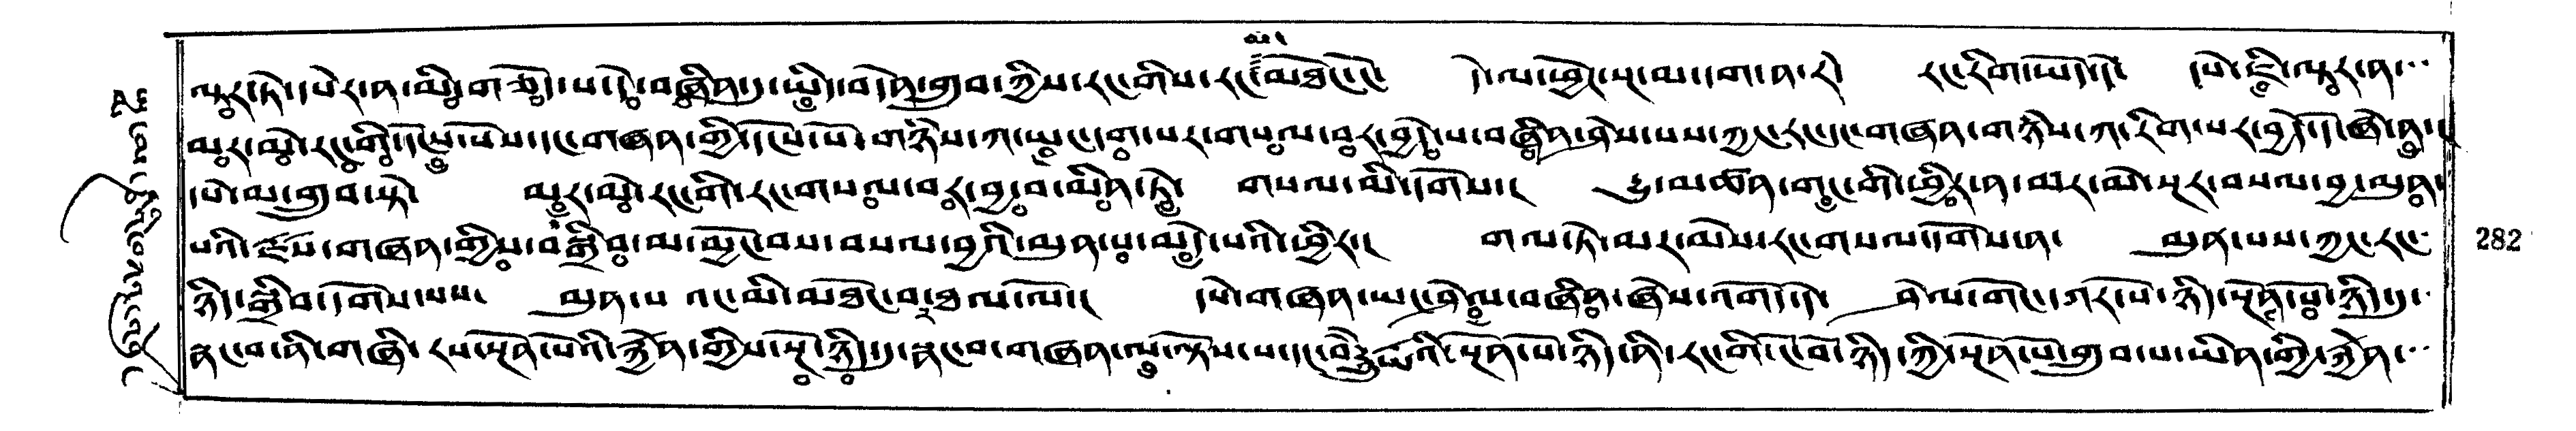ལྟར་ཏེ་དཔེར་ན་མི་གཅོད་པ་དེ་བཞིན་དུ་ཡིད་བདེན་གྲུབ་ཀྱིས་རང་གིས་རང་མི་མཐོང་ངོ་། དེ་ལ་ཕྱོགས་སྔ་མ་དག་ན་རེ། རང་རིག་ཡོད་དེ། དཔེ་ཇི་ལྟར་ན་
མར་མེ་རང་གི་དངོས་པོ་དང་གཞན་གྱི་དངོས་པོ་གཉིས་ཀ་ཡང་དག་པར་གསལ་བར་བྱེད་པ་བཞིན་ཤེས་པས་ཀྱང་རང་དང་གཞན་གཉིས་ཀ་རིག་པར་བྱེད་དོ་ཞེ་ན། 
དཔེ་མ་གྲུབ་སྟེ། མར་མེ་རང་གིས་རང་གསལ་བར་བྱ་བ་མིན་ཏེ། གསལ་མི་དགོས། རྒྱུ་མཚན་གང་གི་ཕྱིར་ན་མར་མེ་སྔར་བསལ་བྱ་མུན་
པའི་རྫས་གཞན་གྱིས་བསྒྲིབས་མ་མྱོང་བས་བསལ་བྱའི་མུན་པ་མེད་པའི་ཕྱིར། གལ་ཏེ་མར་མེས་རང་གསལ་དགོས་ན། མུན་པས་ཀྱང་རང་
ཉིད་སྒྲིབ་དགོས་པས། མུན་པའང་མི་མཐོང་བར་ཐལ་ལོ། དཔེ་གཞན་ཡང་ཤེལ་བཞིན་ཞེས་འགོད་དེ། ཤེལ་གོང་དཀར་པོ་ཉིད་སྔོན་པོ་ཉིད་དུ་
སྣང་བ་ནི་གཞི་རས་སྔོན་པོའི་རྐྱེན་གྱིས་སྔོ་ཉིད་དུ་སྣང་བ་གཞན་ལ་ལྟོས་པ་དང་བཻཌཱུརྻའི་སྔོན་པོ་ཉིད་ནི་རང་གི་ངོ་བོ་ཉིད་ཀྱི་སྔོན་པོ་གྲུབ་པ་ཡིན་གྱི་རྐྱེན་